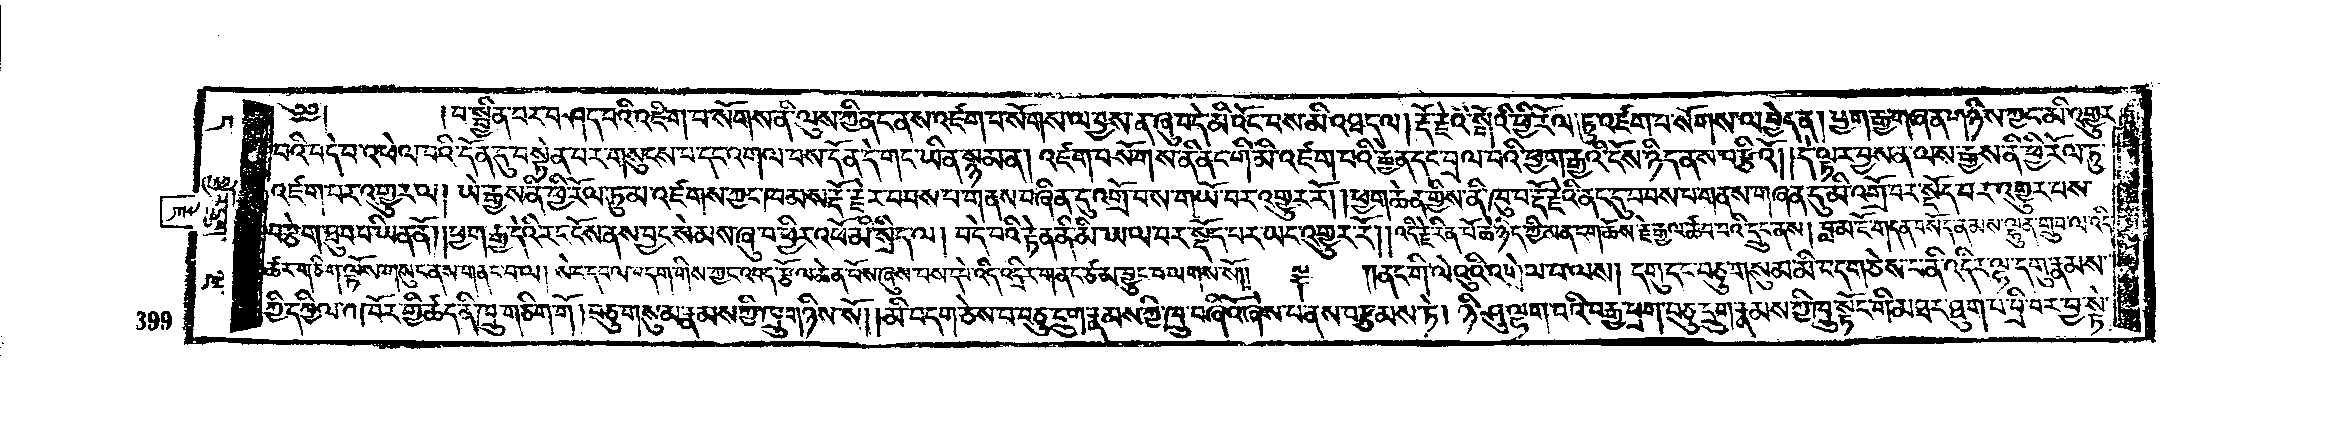༄༅། །བ་སྦྱིན་པར་བཤད་པའི་འཇིག་པ་སོགས་ནི་ལུས་ཀྱི་ནང་ནས་འཛག་པ་སོགས་ལ་བྱས་ན་ཞུ་བདེ་མི་འོང་བས་མི་འཐད་ལ། རྡོ་རྗེའི་སྒོའི་ཕྱི་རོལ་ཏུ་འཛག་པ་སོགས་ལ་བྱེད་ན། ཕྱག་རྒྱ་གཞན་གཉིས་ཀྱང་མི་འགྱུར་
བའི་བདེ་བ་འཕེལ་བའི་དོན་དུ་བསྟེན་པར་གསུངས་པ་དང་འགལ་བས་དོན་དེ་གང་ཡིན་སྙམ་ན། འཛག་པ་སོགས་ནི་ནང་གི་མི་འཇག་པའི་རྒྱན་དང་བྲལ་བའི་ཕྱག་རྒྱའི་ངོས་ཉིད་ནས་བརྩིའོ། །དེ་ལྟར་བྱས་ན་ལས་རྒྱས་ནི་ཕྱི་རོལ་ཏུ་
འཛག་པར་འགྱུར་ལ། ཡེ་རྒྱས་ནི་ཕྱི་རོལ་ཏུ་མ་འཛགས་ཀྱང་ཁམས་རྡོ་རྗེར་བབས་པ་གནས་བཞིན་དུ་འགྲོ་བས་གཡོ་བར་འགྱུར་རོ། །ཕྱག་ཆེན་གྱིས་ནི་ཁུ་བ་རྡོ་རྗེའི་ནང་དུ་བབས་པ་གནས་གཞན་དུ་མི་འགྲོ་བར་སྡོད་པར་འགྱུར་པས་
བརྩེག་ཐུབ་པ་ཡིན་ནོ། །ཕྱག་རྒྱ་དེའི་རང་ངོས་ནས་བྱང་སེམས་ཞུ་བ་ཕྱིར་འཕོ་མི་སྲིད་ལ། བདེ་བའི་རྟེན་ནི་མི་ཡལ་བར་སྡོད་པར་ཡང་འགྱུར་རོ། །འདི་རྗེ་རིན་པོ་ཆེ་ཉིད་ཀྱི་མན་ངག་ཆོས་རྗེ་རྒྱལ་ཚབ་པའི་དྲུང་ནས། བླ་མ་ཇོ་གདན་བསོད་ནམས་ལྷུན་གྲུབ་ལ་འདི་
ཚར་གཅིག་ལྟོས་གསུང་ནས་གནང་བ་ལ། སེང་དཔལ་བདག་གིས་ཀྱང་འབད་རྩོལ་ཆེན་པོས་ཞུས་པས་དཔེ་འདི་འདྲིར་གནང་ཙམ་བྱུང་བ་ལགས་སོ།། ༈ །།ནང་གི་ལེའུའི་འགྲེལ་པ་ལས། དགུ་དང་བཅུ་གསུམ་མི་བདག་ཅེས་པ་ནི་འདིར་ལྷ་དགུ་རྣམས་
ཀྱི་དཀྱིལ་འཁོར་གྱི་ཚད་ནི་ཁྲུ་གཅིག་གོ །བཅུ་གསུམ་རྣམས་ཀྱི་ཁྲུ་གཉིས་སོ། །མི་བདག་ཅེས་པ་བཅུ་དྲུག་རྣམས་ཀྱི་ཁྲུ་བཞིའོ་ཞེས་པ་ནས་བརྩམས་ཏེ། ཉི་ཤུ་ལྷག་པའི་བརྒྱ་ཕྲག་བཅུ་དྲུག་རྣམས་ཀྱི་ཁྲུ་སྟོང་གི་མཐར་ཐུག་པ་བྲི་བར་བྱ་སྟེ་